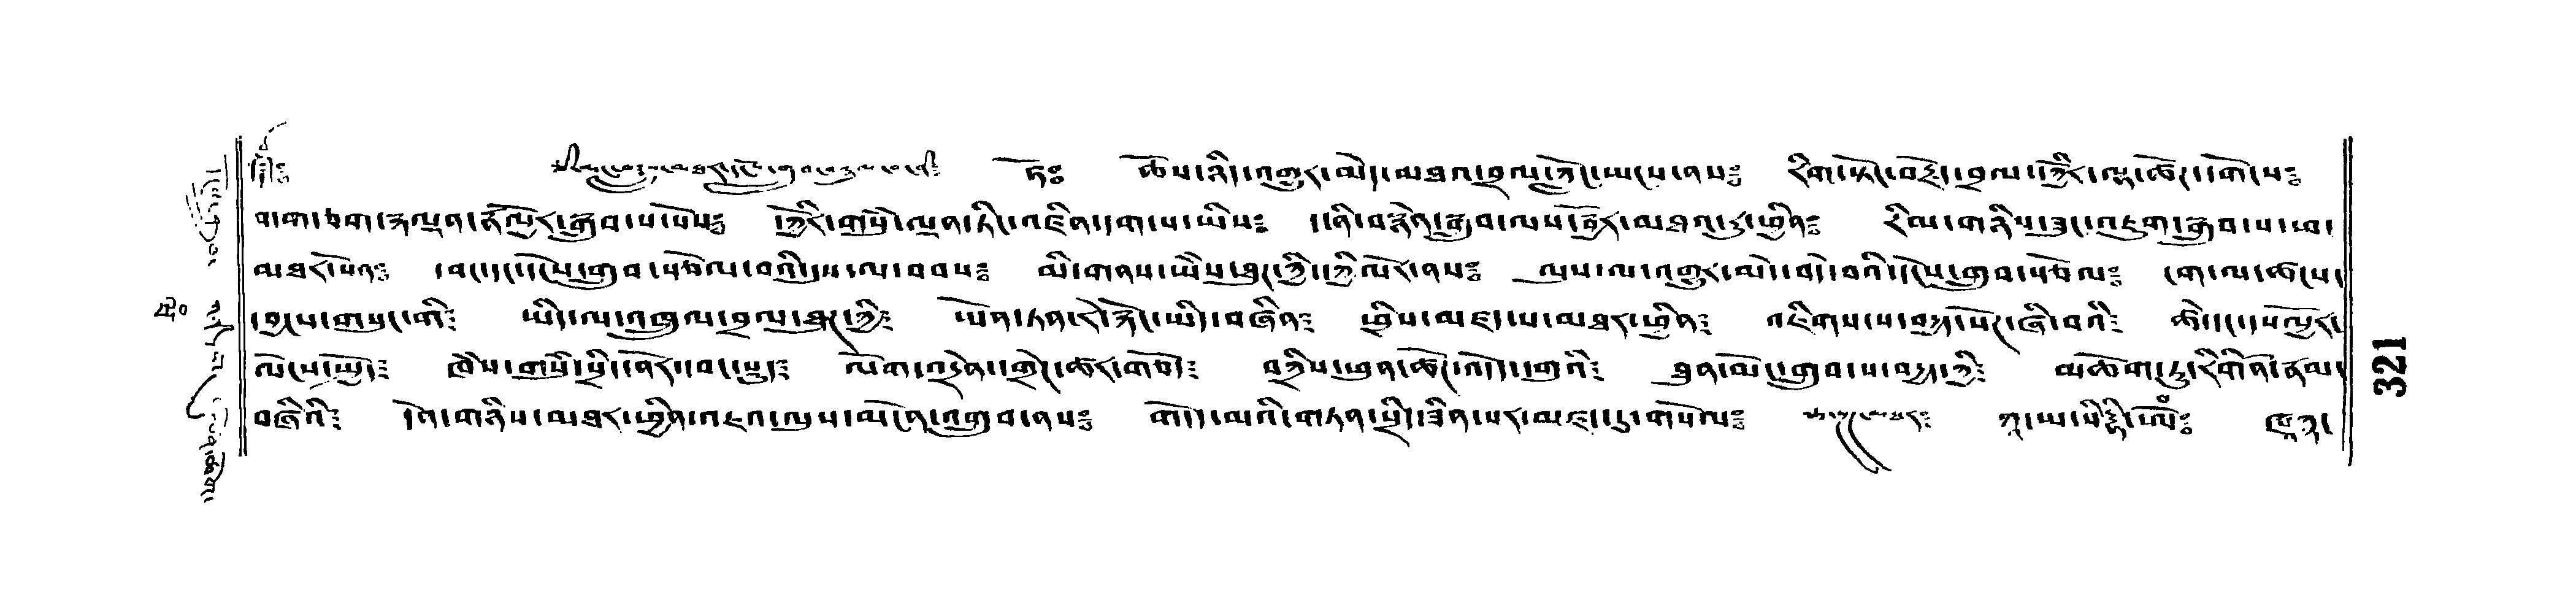ཅི་མང་བཟླས་མཐར་དངོས་གྲུབ་བསྐུལ་བ་ནི༔ ཧོཿ ཆོས་ཉིད་འགྱུར་མེད་མཐའ་བྲལ་ཀློང་ཡངས་ནས༔ རིག་སྟོང་བརྗོད་བྲལ་དཀྱིལ་འཁོར་ལྷ་ཚོགས་དགོངས༔ 
བདག་ཅག་སྐལ་ལྡན་རྣལ་འབྱོར་སྒྲུབ་པ་པོས༔ དཀྱིལ་འཁོར་གསུམ་ལྡན་ཏིང་འཛིན་དག་པ་ཡིས༔ ད་ནི་བསྙེན་སྒྲུབ་ལས་སྦྱོར་མཐའ་རུ་ཕྱིན༔ རིམ་གཉིས་ཟུང་འཇུག་སྒྲུབ་པ་ཕ་
མཐར་སོན༔ དབང་དང་དངོས་གྲུབ་སྩོལ་བའི་དུས་ལ་བབས༔ མི་གནས་ཡེ་ཤེས་ཐུགས་ཀྱི་དཀྱིལ་འཁོར་ནས༔ ལུས་ལ་འགྱུར་མེད་བདེ་བའི་དངོས་གྲུབ་སྩོལ༔ ངག་ལ་ཚངས་
དབྱངས་གསུང་གི༴ ཡིད་ལ་འཁྲུལ་བྲལ་ཐུགས་ཀྱི༴ ཡོན་ཏན་རེ་སྐོང་ཡིད་བཞིན༴ ཕྲིན་ལས་མཛད་པ་མཐར་ཕྱིན༴ འཇིགས་པ་བརྒྱད་སོགས་ཞི་བའི༴ ཚེ་དང་དཔལ་འབྱོར་
ལོངས་སྤྱོད༴ མཁན་གསུམ་སྲིད་ནོར་བང་སྡུད་ ལོག་འདྲེན་གྲོགས་ཚར་གཅོད་ བཀྲིས་ཕུན་ཚོགས་འདོད་དགུ་ ཐུན་མོ་གྲུབ་པ་བརྒྱད་ཀྱི་ མཆོག་ཏུ་རིན་པོ་རྣམས་
བཞིའི་ དོན་གཉིས་མཐར་ཕྱིན་འཇའ་ལུས་མངོན་འགྲུབ་ནས༔ གདོད་མའི་གཏན་སྲིད་ཟིན་པར་མཛད་དུ་གསོལ༔ རྩ་སྔགས་མཐར༔ ཀཱ་ཡ་སིདྡྷི་ཨོཾ༔ ཝཱཀྐ་